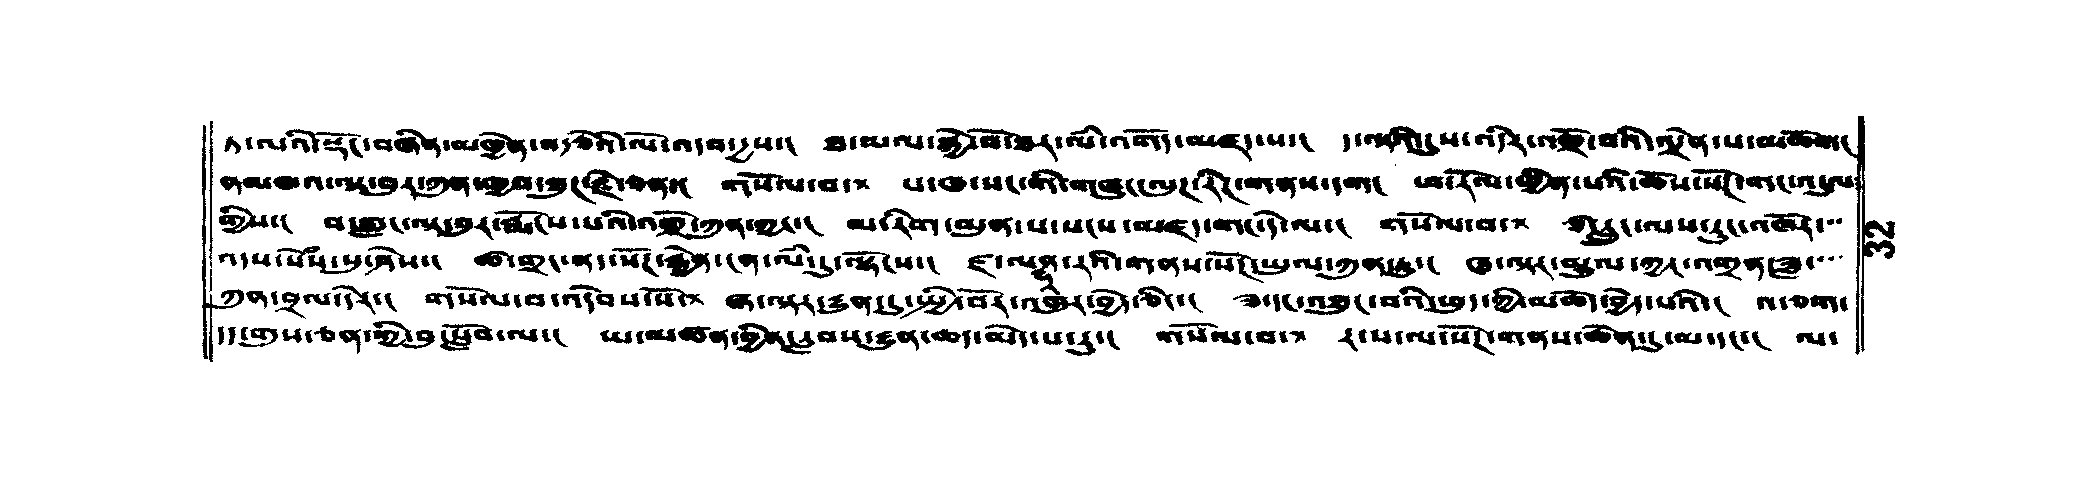ཏ་ལའི་སྡོང་བཞིན་མཁྱེན་བརྩེའི་ལོ་འདབ་རྒྱས། །ཐ་མལ་སྐྱེ་བོ་ཐར་ལམ་འགོད་མཛད་པ། །ད་ལྟའི་དུས་འདིར་འགྲོ་བའི་འདྲེན་པ་མཆོག །
ནམ་མཁའ་ལྟ་བུར་ཀུན་ཁྱབ་ཐུགས་རྗེ་ཅན། །གསོལ་བ༴།པ་ཝ་སང་གི་གཞུང་ལུགས་རིག་གནས་དང་། །ཕ་རོལ་ཕྱིན་པའི་ཆོས་སོགས་གང་འདུལ་
གྱིས། །བ་གླང་ལྟ་བུ་རྨོངས་པའི་འགྲོ་ཀུན་ཀྱང་། །མ་རིག་མུན་པ་སངས་མཛད་གང་དེ་ལ། །གསོལ༴ །རྩ་རླུང་ལས་རུང་འཁོར་
འདས་སེམས་སུ་ཤེས། །ཚ་གྲང་ནད་སོགས་རྐྱེན་ངན་ལམ་དུ་ལྷོངས། །ཛ་ལནྡྷཱ་རིའི་གནས་སོགས་ཡུལ་ཀུན་ཏུ། །ཝ་ལྟར་མྱུལ་ཀྱང་འགྲན་ཟླ་
ཀུན་བྲལ་དེར། །གསོལ་བ་འདེབས་སོ༴ །ཞ་ལྟར་རྒྱུན་དུ་སྤྱི་བོར་འཁུར་བྱེད་ཅིང་། །ཟ་དང་འཐུང་བའི་ཕུད་ཀྱི་མཆོད་བྱེད་པའི། །འ་ཅག་
དད་གུས་ཅན་གྱི་བུ་སློབ་ལ། །ཡ་མཚན་བྱིན་རླབས་རྒྱུན་ཆད་མེད་པ་རུ། །གསོལ་བ༴ །ར་ས་ལ་སོགས་གནས་ཆེན་དུ་མ་དང་། །ལ་